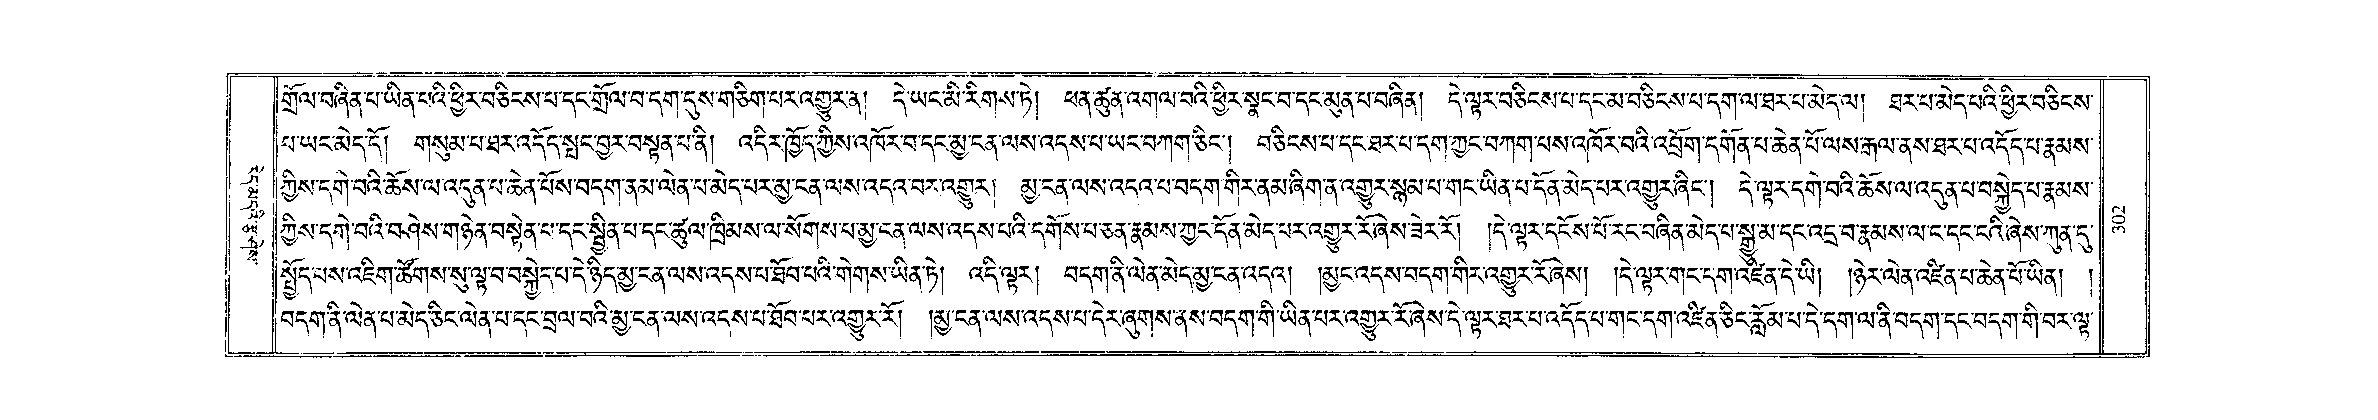གྲོལ་བཞིན་པ་ཡིན་པའི་ཕྱིར་བཅིངས་པ་དང་གྲོལ་བ་དག་དུས་གཅིག་པར་འགྱུར་ན། དེ་ཡང་མི་རིགས་ཏེ། ཕན་ཚུན་འགལ་བའི་ཕྱིར་སྣང་བ་དང་མུན་པ་བཞིན། དེ་ལྟར་བཅིངས་པ་དང་མ་བཅིངས་པ་དག་ལ་ཐར་པ་མེད་ལ། ཐར་པ་མེད་པའི་ཕྱིར་བཅིངས་
པ་ཡང་མེད་དོ། གསུམ་པ་ཐར་འདོད་སྤང་བྱར་བསྟན་པ་ནི། འདིར་ཁྱོད་ཀྱིས་འཁོར་བ་དང་མྱ་ངན་ལས་འདས་པ་ཡང་བཀག་ཅིང་། བཅིངས་པ་དང་ཐར་པ་དག་ཀྱང་བཀག་པས་འཁོར་བའི་འབྲོག་དགོན་པ་ཆེན་པོ་ལས་རྒལ་ནས་ཐར་པ་འདོད་པ་རྣམས་
ཀྱིས་དགེ་བའི་ཆོས་ལ་འདུན་པ་ཆེན་པོས་བདག་ནམ་ལེན་པ་མེད་པར་མྱ་ངན་ལས་འདའ་བར་འགྱུར། མྱ་ངན་ལས་འདའ་བ་བདག་གིར་ནམ་ཞིག་ན་འགྱུར་སྙམ་པ་གང་ཡིན་པ་དོན་མེད་པར་འགྱུར་ཞིང་། དེ་ལྟར་དགེ་བའི་ཆོས་ལ་འདུན་པ་བསྐྱེད་པ་རྣམས་
ཀྱིས་དགེ་བའི་བཤེས་གཉེན་བསྟེན་པ་དང་སྦྱིན་པ་དང་ཚུལ་ཁྲིམས་ལ་སོགས་པ་མྱ་ངན་ལས་འདས་པའི་དགོས་པ་ཅན་རྣམས་ཀྱང་དོན་མེད་པར་འགྱུར་རོ་ཞེས་ཟེར་རོ། །དེ་ལྟར་དངོས་པོ་རང་བཞིན་མེད་པ་སྒྱུ་མ་དང་འདྲ་བ་རྣམས་ལ་ང་དང་ངའི་ཞེས་ཀུན་དུ་
སྤྱོད་པས་འཇིག་ཚོགས་སུ་ལྟ་བ་བསྐྱེད་པ་དེ་ཉིད་མྱ་ངན་ལས་འདས་པ་ཐོབ་པའི་གེགས་ཡིན་ཏེ། འདི་ལྟར། བདག་ནི་ལེན་མེད་མྱ་ངན་འདའ། །མྱང་འདས་བདག་གིར་འགྱུར་རོ་ཞེས། །དེ་ལྟར་གང་དག་འཛིན་དེ་ཡི། །ཉེར་ལེན་འཛིན་པ་ཆེན་པོ་ཡིན། །
བདག་ནི་ལེན་པ་མེད་ཅིང་ལེན་པ་དང་བྲལ་བའི་མྱ་ངན་ལས་འདས་པ་ཐོབ་པར་འགྱུར་རོ། །མྱ་ངན་ལས་འདས་པ་དེར་ཞུགས་ནས་བདག་གི་ཡིན་པར་འགྱུར་རོ་ཞེས་དེ་ལྟར་ཐར་པ་འདོད་པ་གང་དག་འཛིན་ཅིང་རློམ་པ་དེ་དག་ལ་ནི་བདག་དང་བདག་གི་བར་ལྟ་